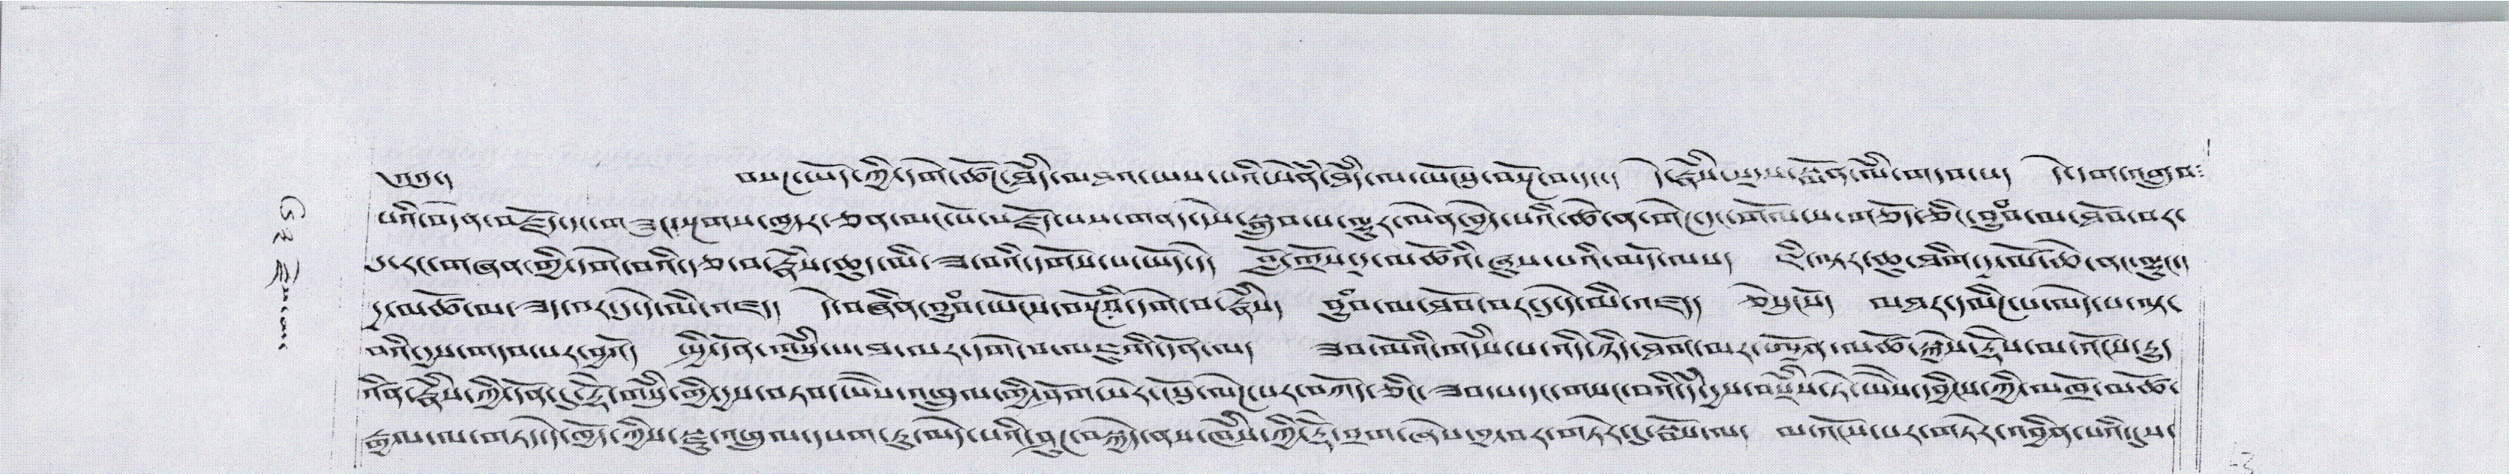བསགས་ཡོད་ཀྱི་དགེ་ཚོགས་ཐམས་ཅད་མཐའ་ཡས་པའི་སེམས་ཅན་ཐམས་ཅད་ལ་ཡོངས་སུ་བསྔོ་བ་དང་། དེ་རྣམས་སངས་རྒྱས་སྨོན་ལམ་གདབ་པ། དེ་དག་འགྲུབ་
པའི་བདེན་བརྗོད་དང་། གཟུངས་སྔགས་ཁྱད་པར་ཅན་མང་པོ་བརྗོད་པས་གནད་དེས་སྒྲུབ་པ་ལྷུར་ལེན་བྱེད་པའི་ཚེ་ན་གེགས་དང་གོལ་ས་གཅོད་ཅིང་བྱང་ཆུབ་མ་ཐོབ་བར་
དུ་རང་གཞན་གྱི་དགེ་བའི་རྩ་བ་རྣམས་ཆུད་མི་ཟ་བའི་དགོས་པ་ཡོད་དེ། བློ་གྲོས་རྒྱ་མཚོས་ཞུས་པའི་མདོ་ལས། ཇི་ལྟར་ཆུ་ཐིགས་རྒྱ་མཚོ་ཆེ་ནང་ལྷུང་། 
རྒྱ་མཚོ་མ་ཟད་བར་དུ་དེ་མི་འཛད། དེ་བཞིན་བྱང་ཆུབ་ཡོངས་བསྔོའི་དགེ་བ་རྣམས། བྱང་ཆུབ་མ་ཐོབ་བར་དུ་དེ་མི་འཛད། ཅེས་གསུངས་སོ། མཐར་དམིགས་པ་མེད་པ་ལྟ་
བའི་རྒྱས་གདབ་པར་བྱའོ། །སྤྱི་དོན་གསུམ་པ་ཐ་མར་དགེ་བ་མཇུག་གི་དོན་ལ། ཟབ་མོའི་གདམས་པ་འདི་ཉིད་ཐོག་མར་ཨོ་རྒྱན་མཚོ་སྐྱེས་རྡོ་རྗེས་མ་འོངས་རྒྱུད་
འཛིན་རྣམས་ཀྱི་དོན་དུ་རྡོ་རྗེ་གསུམ་གྱི་རྒྱས་བཏབ་ཡེ་ཤེས་འཕྲུལ་གྱི་ཤོག་སེར་ངོས་སུ་ལེགས་པར་བཀོད་ཅིང་ཟབ་པ་དང་གསང་བའི་དམ་རྒྱས་བསྡམས་ཏེ་ཡེ་ཤེས་དབྱིངས་ཀྱི་མཁའ་འགྲོ་མཚོ་
རྒྱལ་ལ་གཏད་དེ་ཁྱོད་ཀྱིས་རྫུ་འཕྲུལ་དཔག་ཏུ་མེད་པའི་ཤུགས་བསྐྱེད་ནས་ཁམས་ཀྱི་རྡོ་རྗེ་བྲག་ཅེས་བྱ་བར་གཏེར་དུ་སྦོས་ལ། མ་འོངས་པར་གཏེར་འབྱིན་པའི་དུས་